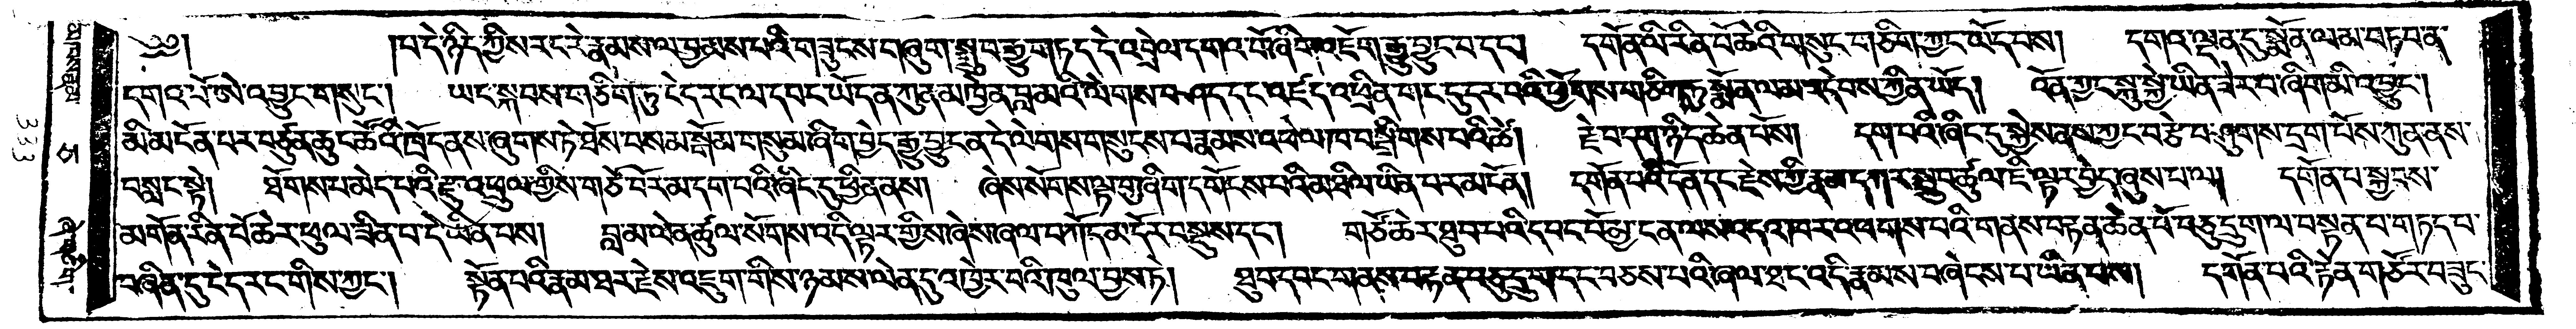༄༅། །བ་དེ་ཉིད་ཀྱིས་རང་རེ་རྣམས་ལ་བྱམས་པའི་གཟུངས་བཞུག་སྒྲུབ་རྒྱུ་གཏད་དེ་འབྲེལ་དགའ་པོ་ཞིག་འཇོག་རྒྱུ་བྱུང་བ་དང་། དགོན་ལི་རིན་པོ་ཆེའི་གསུང་གཅིག་ཀྱང་ཡོད་པས། དགའ་ལྡན་དུ་སྨོན་ལམ་བཏབ་ན་
དགའ་པོ་ཨེ་འབྱུང་གསུང་། ཡང་སྐབས་གཅིག་ཏུ་ངེད་རང་ལ་དབང་ཡོད་ན་ཀུན་མཁྱེན་བླ་མའི་ལེགས་བཤད་དང་འཛད་འཕྲིན་གང་དུ་དར་བའི་ཕྱོགས་གཅིག་ཏུ་སྨོན་ལམ་འདེབས་ཀྱིན་ཡོད། འོན་ཀྱང་སྐུ་སྐྱེ་ཡིན་ཟེར་བ་ཞིག་མི་འབྱུང་།
མི་མངོན་བར་བཙུན་ཆུང་ཚོའི་ཁྲོད་ནས་ཞུགས་ཏེ་ཐོས་བསམ་སྒོམ་གསུམ་ཞིག་བྱེད་རྒྱུ་བྱུང་ན་དེ་ལེགས་གསུངས་པ་རྣམས་འཕེལ་ཁ་བསྒྲིགས་པའི་ཚེ། རྗེ་བདག་ཉིད་ཆེན་པོས། དག་པའི་ཞིང་དུ་སྐྱེས་ནས་ཀྱང་བརྩེ་བ་ཤུགས་དྲག་པོས་ཀུན་ནས་
བསླང་སྟེ། ཐོགས་པ་མེད་པའི་རྫུ་འཕྲུལ་གྱིས་གཙོ་བོར་མ་དག་པའི་ཞིང་དུ་ཕྱིན་ནས། ཞེས་སོགས་ལྟ་བུ་ཞིག་དགོངས་པའི་མཐིལ་ཡིན་པར་མངོན། དགོན་པའི་དོན་དང་རྗེས་ཀྱི་རྣམ་དཀར་སྒྲུབ་ཚུལ་ཇི་ལྟར་བྱེད་ཞུས་པ་ལ། དགོན་པ་སྐྱབས་
མགོན་རིན་པོ་ཆེར་ཕུལ་ཟིན་པ་དེ་ཡིན་པས། བླ་མ་ལེན་ཚུལ་སོགས་འདི་ལྟར་གྱིས་ཞེས་ཞལ་བཀོད་མདོར་བསྡུས་དང་། གཙོ་ཆེར་ཐུབ་པའི་དབང་པོ་མྱ་ངན་ལས་འདའ་ཁར་འཕགས་པའི་གནས་བརྟན་ཆེན་པོ་བཅུ་དྲུག་ལ་བསྟན་པ་གཏད་པ་
བཞིན་དུ་ངེད་རང་གིས་ཀྱང་། སྟོན་པའི་རྣམ་ཐར་རྗེས་འཇུག་གིས་ཉམས་ལེན་དུ་འཁྱེར་བའི་ཁུལ་བྱས་ཏེ། ཐུབ་དབང་གནས་བརྟན་བཅུ་དྲུག་དང་བཅས་པའི་ཞལ་ཐང་འདི་རྣམས་བཞེངས་པ་ཡིན་པས། དགོན་པའི་རྟེན་གཙོར་བསྩས་